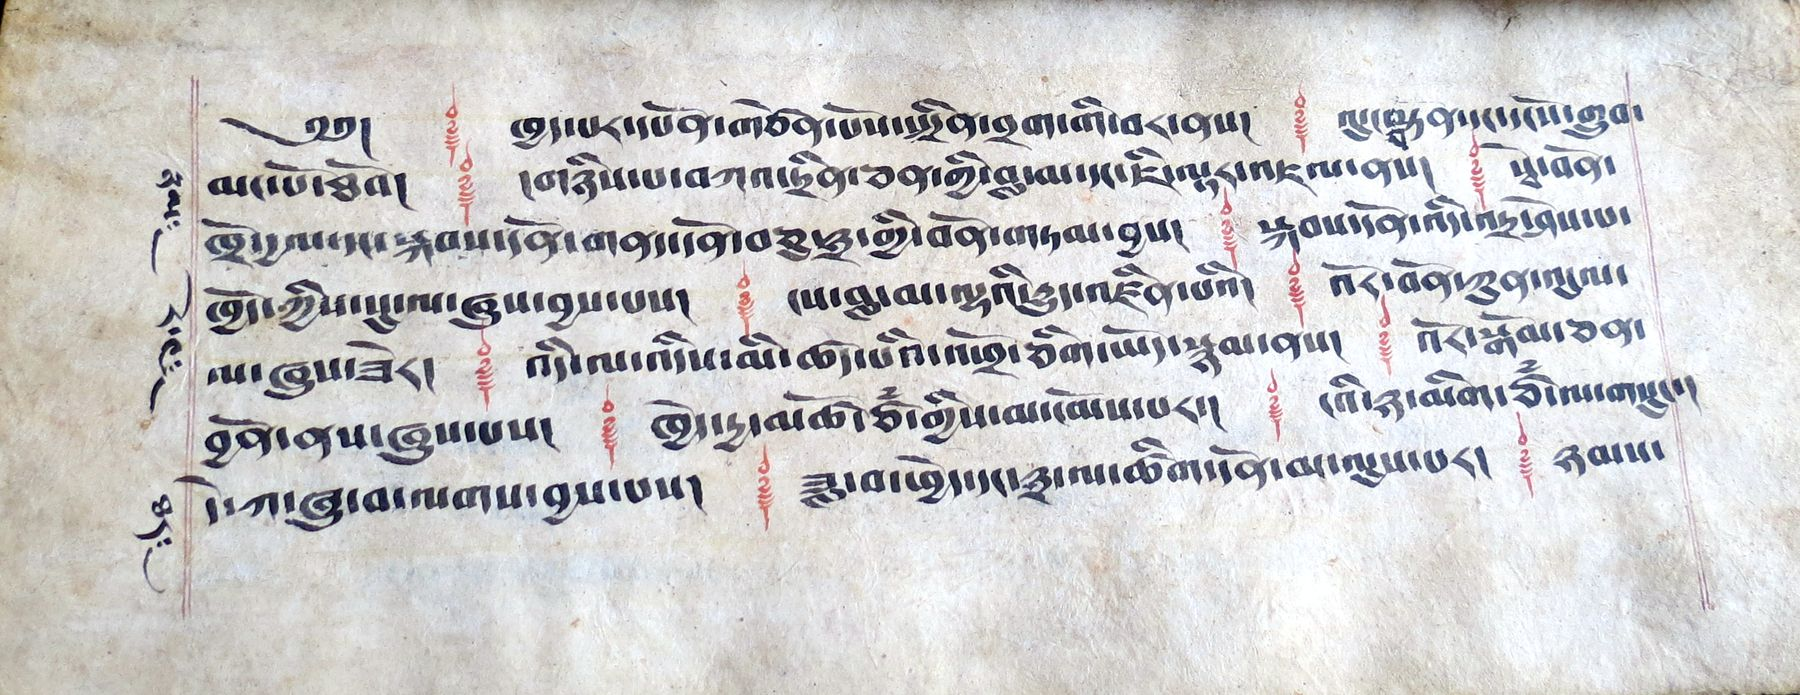ཁྱད་པར་དཔོན་བཙན་པོས་སྤྲིན་བྲག་གི་བར་ནས། ལུང་སྟོན་དང་དངོས་གྲུབ་
མང་པོ་ཐོབ། གཉིས་པ་བཀའ་དྲིན་ཅན་གྱི་བླ་མ་དང་ཅི་ལྟར་མཇལ་ན། སེ་བོན་
ཁྲོ་རྒྱལ་དང་སྐབས་དོན་དང་། གནད་དོན་བཅུ་གསུམ་གྱི་བོན་གཏམ་བྱས། སྐབས་དོན་འདི་འདྲ་ཤེས་པ་
ཁྱེད་ཀྱིས་སུ་ལ་ཞུས་བྱས་པས། ངས་བླ་མ་ལྷའི་བརྒྱུད་འཛིན་པའི་འོར་བོན་ཀུན་འདུལ་
ལ་ཞུས་ཟེར། འདི་ལ་འདིས་མི་ཚད་པའི་འཕྲོ་ཞིག་ཡོད་སྙམ་ནས། འོར་སྒོམ་ཅན་
དུ་བྱོན་ནས་ཞུས་པས། ཁྱེད་རྒྱ་མཚོ་ཙམ་གྱིས་མི་ངོམ་བར། ངའི་ཉ་མིག་ཙམ་ལ་གསུངས། 
དེ་ག་ཞུ་བ་ལགས་བྱས་པས། ཟླ་བ་ཕྱེད་དང་གསུམ་ལ་ཚིག་དོན་མ་ལུས་པར། ཉམས་